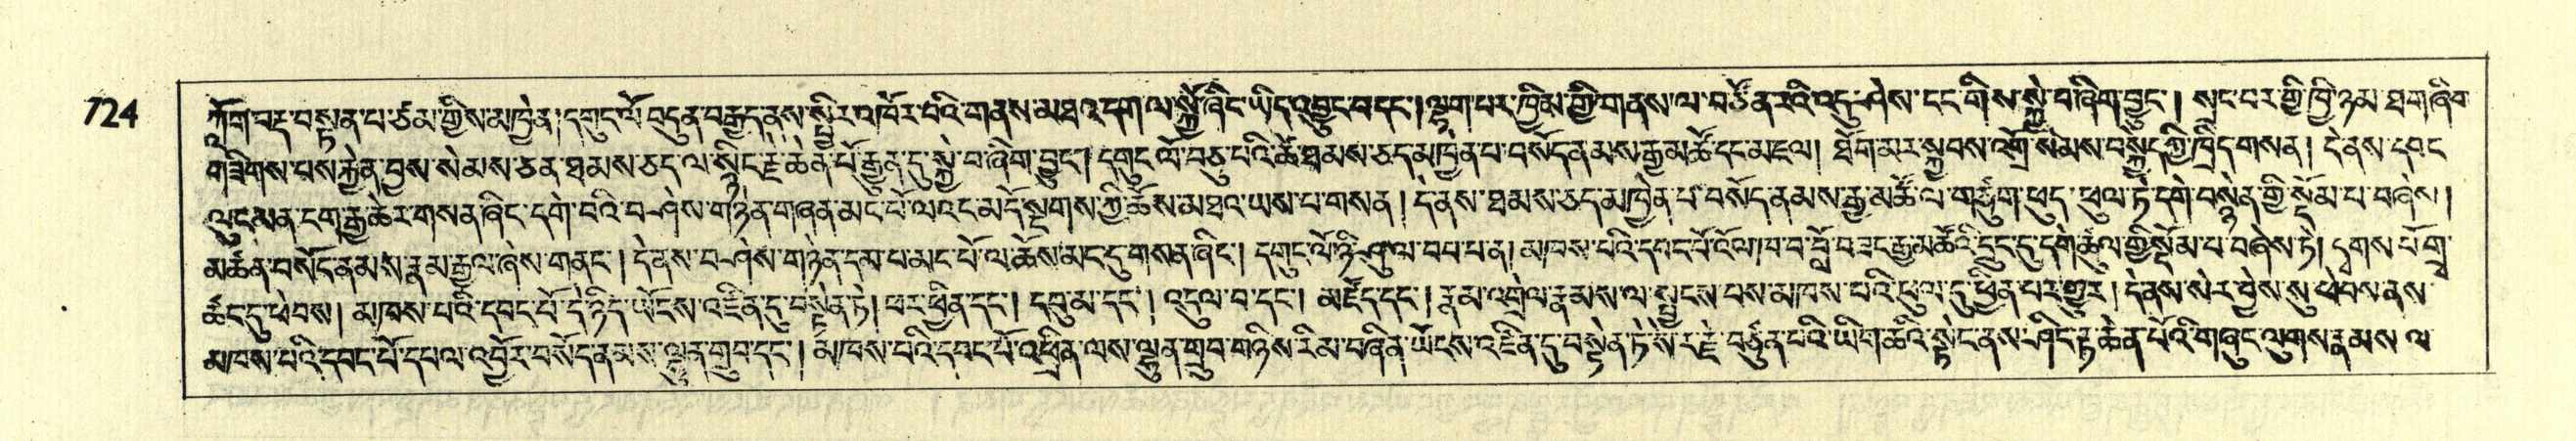ཀོག་བརྡ་བསྟན་པ་ཙམ་གྱིས་མཁྱེན་།དགུང་ལོ་བདུན་བརྒྱད་ནས་སྤྱིར་འཁོར་བའི་གནས་མཐའ་དག་ལ་སྐྱོ་ཞིང་ཡིད་འབྱུང་བ་དང་། ལྷག་པར་ཁྱིམ་གྱི་གནས་ལ་བཙོན་རའི་འདུ་ཤེས་ངང་གིས་སྐྱེ་བ་ཞིག་བྱུང་། སྲང་བར་གྱི་ཁྱིམ་ཉམ་ཐག་ཞིབ་
གཟིགས་པས་རྐྱེན་བྱས་སེམས་ཅན་ཐམས་ཅད་ལ་སྙིང་རྗེ་ཆེན་པོ་རྒྱུན་དུ་སྐྱེ་བ་ཞིག་བྱུང་། དགུང་ལོ་བཅུ་པའི་ཚེ་ཐམས་ཅད་མཁྱེན་པ་བསོད་ནམས་རྒྱ་མཚོ་དང་མཇལ། ཐོག་མར་སྐྱབས་འགྲོ་སེམས་བསྐྱེད་གྱི་ཁྲིད་གསན། དེ་ནས་དབང་
ལུང་མན་ངག་རྒྱ་ཆེར་གསན་ཞིང་དགེ་བའི་བཤེས་གཉེན་གཞན་མང་པོ་ལའང་མདོ་སྔགས་ཀྱི་ཆོས་མཐའ་ཡས་པ་གསན། དེ་ནས་ཐམས་ཅད་མཁྱེན་པ་བསོད་ནམས་རྒྱ་མཚོ་ལ་གཙུག་ཕུད་ཕུལ་ཏེ་དགེ་བསྙེན་གྱི་སྡོམ་པ་བཞེས།
མཚན་བསོད་ནམས་རྣམ་རྒྱལ་ཞེས་གནང་། དེ་ནས་བཤེས་གཉེན་དམ་པ་མང་པོ་ལ་ཆོས་མང་དུ་གསན་ཞིང་། དགུང་ལོ་ཉི་ཤུ་ལ་བབ་པ་ན། མཁས་པའི་དབང་པོ་འོལ་ཁ་བ་བློ་བཟང་རྒྱ་མཚོའི་དྲུང་དུ་དགེ་ཚུལ་གྱི་སྡོམ་པ་བཞེས་ཏེ། དྭགས་པོ་གྲྭ་
ཚང་དུ་ཕེབས། མཁས་པའི་དབང་པོ་དེ་ཉིད་ཡོངས་འཛིན་དུ་བསྟེན་ཏེ། ཕར་ཕྱིན་དང་། དབུ་མ་དང་། འདུལ་བ་དང་། མཛོད་དང་། རྣམ་འགྲེལ་རྣམས་ལ་སྤྱངས་པས་མཁས་པའི་ཕུལ་དུ་ཕྱིན་པར་གྱུར། དེ་ནས་སེར་བྱེས་སུ་ཕེབས་ནས་
མཁས་པའི་དབང་པོ་དཔལ་འབྱོར་བསོད་ནམས་ལྷུན་གྲུབ་དང་། མཁས་པའི་དབང་པོ་འཕྲིན་ལས་ལྷུན་གྲུབ་གཉིས་རིམ་བཞིན་ཡོངས་འཛིན་དུ་བསྟེན་ཏེ་སེ་ར་རྗེ་བཙུན་པའི་ཡིག་ཆའི་སྟེང་ནས་ཤིང་རྟ་ཆེན་པོའི་གཞུང་ལུགས་རྣམས་ལ་